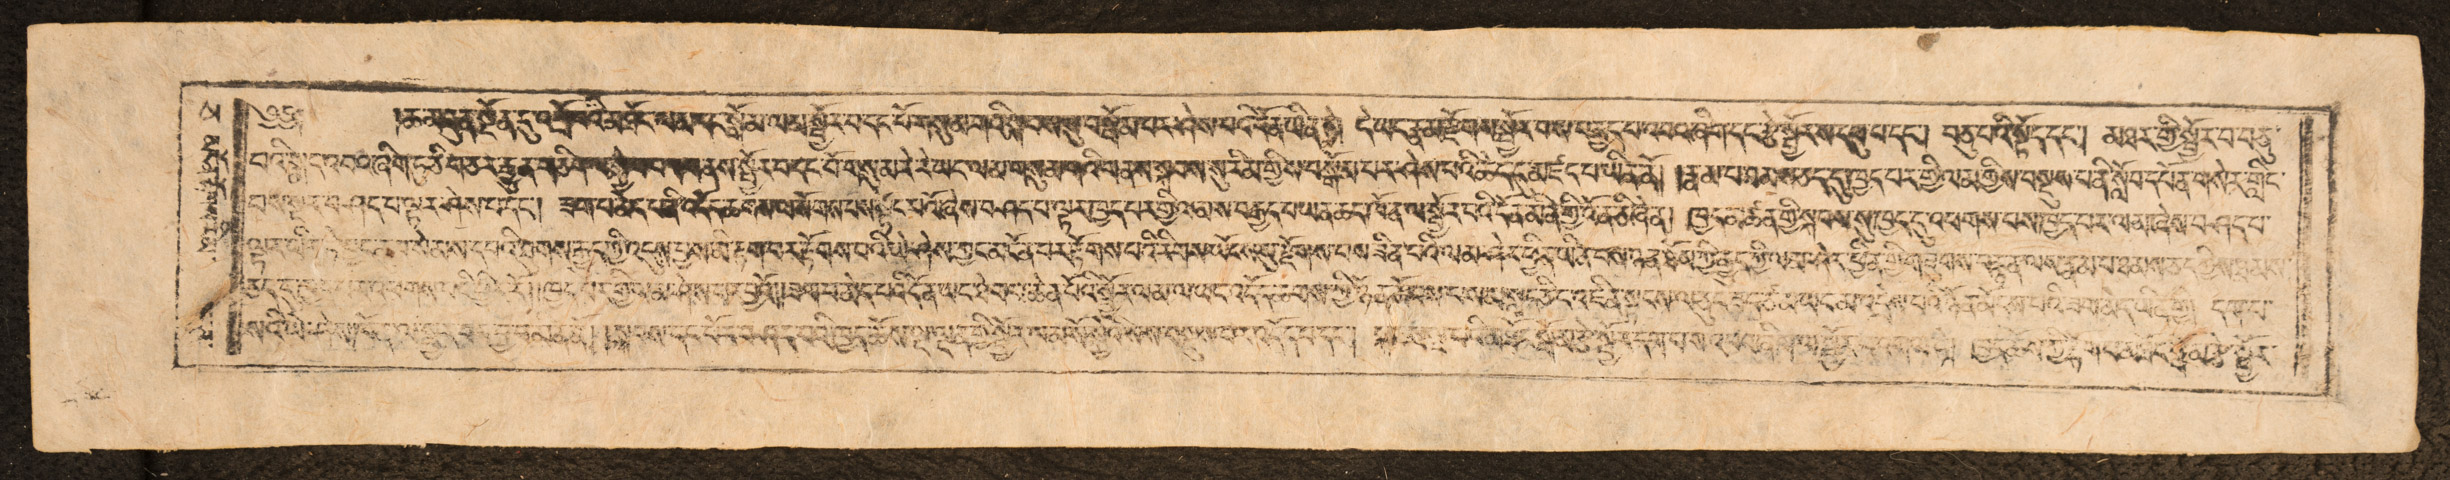༄༅། །ཆ་མཐུན་སྔོན་དུ་འགྲོ་བའི་མཐོང་ལམ་དང་སྒོམ་ལམ་སྦྱོར་བ་དང་པོ་གསུམ་གའི་སྐབས་སུ་བསྒོམ་པར་ཤེས་པའི་དོན་ཡིན་ཏེ། དེ་ཡང་རྣམ་རྫོགས་སྦྱོར་བ་ས་བརྒྱད་པ་འབའ་ཞིག་དང་རྩེ་སྦྱོར་ས་དགུ་པ་དང་། བཅུ་པའི་སྟོད་དང་། མཐར་གྱི་སྦྱོར་བ་བཅུ་
པའི་སྨད་འབའ་ཞིག་ཏུ་ཅིག་ཅར་རྒྱུན་གཅིག་ལ་སྐྱེ་བ་བཀག་ནས་སྦྱོར་བ་དང་པོ་གསུམ་རེ་རེ་ཡང་ལམ་གསུམ་གའི་གནས་སྐབས་སུ་རིམ་གྱིས་བསྒོམ་པར་ཤེས་པའི་ཆེད་དུ་མཛད་པ་ཡིན་ནོ། །རྣམ་པ་ཐམས་ཅད་དུ་ཁྱད་པར་གྱི་ལམ་གྱིས་བསྡུས་པ་ནི་སློབ་དཔོན་གསེར་གླིང་
པས་སྔར་བཤད་པ་ལྟར་ཤེས་པ་དང་། ཟག་པ་མེད་པ་ནི་འདོད་ཆགས་ལ་སོགས་པས་སྟོང་པའོ་ཞེས་བཤད་པ་ལྟར་ཁྱད་པར་གྱི་ལམ་ས་བརྒྱད་པ་ཡན་ཆད་ཁོ་ན་ལ་སྦྱོར་བའི་དོན་མིན་གྱི་འོ་ན་ཅི་ཞེ་ན། ཁྱད་མཚན་གྱི་སྐབས་སུ་ཁྱད་དུ་འཕགས་པས་ཁྱད་པར་ལམ་ཞེས་བཤད་པ་
ལྟར་ཡིན་ཏེ་བྱང་ཆུབ་སེམས་དཔའི་ཐུགས་རྒྱུད་ཀྱི་འདུས་བྱས་མི་རྟག་པར་རྟོགས་པའི་ཡེ་ཤེས་ཀྱང་མངོན་པར་རྟོགས་པའི་རིགས་ཡོངས་སུ་རྫོགས་པས་ཟིན་པའི་ལམ་ཤེར་ཕྱིན་ཡིན་པས་ཉན་ཐོས་ཀྱི་རྒྱུད་ཀྱི་ལམ་ཤེར་ཕྱིན་གྱི་གཟུགས་བརྙན་ལས་རྣམ་པ་ཐམས་ཅད་ཀྱིས་ཐམས་
ཅད་དུ་ཁྱད་པར་འཕགས་པའི་ཕྱིར་རོ། །ཁྱད་པར་གྱི་ལམ་ཤེས་པར་བྱའོ། །ཟག་པ་མེད་པའི་དོན་ཡང་ཐེག་པ་ཆེན་པོའི་སྦྱོར་ལམ་ལ་ཡང་འདོད་ཆགས་ཀྱི་ཉོན་མོངས་པས་མ་སླད་ཅིང་འཛིན་སྟངས་ལ་ཅུང་ཟད་ཙམ་ཡང་མ་འདྲེས་པའི་ཉོན་མོངས་པའི་ཟག་མེད་ཡིན་གྱི། དག་པ་
སའི་ཡེ་ཤེས་ཁོ་ན་ལ་སྦྱར་བར་བྱ་བ་མིན་ནོ། །སྐབས་དང་པོར་བཤད་པའི་ཁྱད་ཆོས་ལྔ་ལྡན་གྱི་སྦྱོར་ལམ་སོ་སྐྱེའི་སས་བསྡུས་པར་འདོད་པ་དང་། སྐབས་ལྔ་པའི་མཐོང་སྒོམ་རྩེ་སྦྱོར་དག་པ་ས་འབའ་ཞིག་ལ་སྦྱོར་བ་འགལ་ཏེ། ཁྱད་ཆོས་ཀྱི་རྟོག་པ་མཐོང་སྒོམ་རྩེ་སྦྱོར་